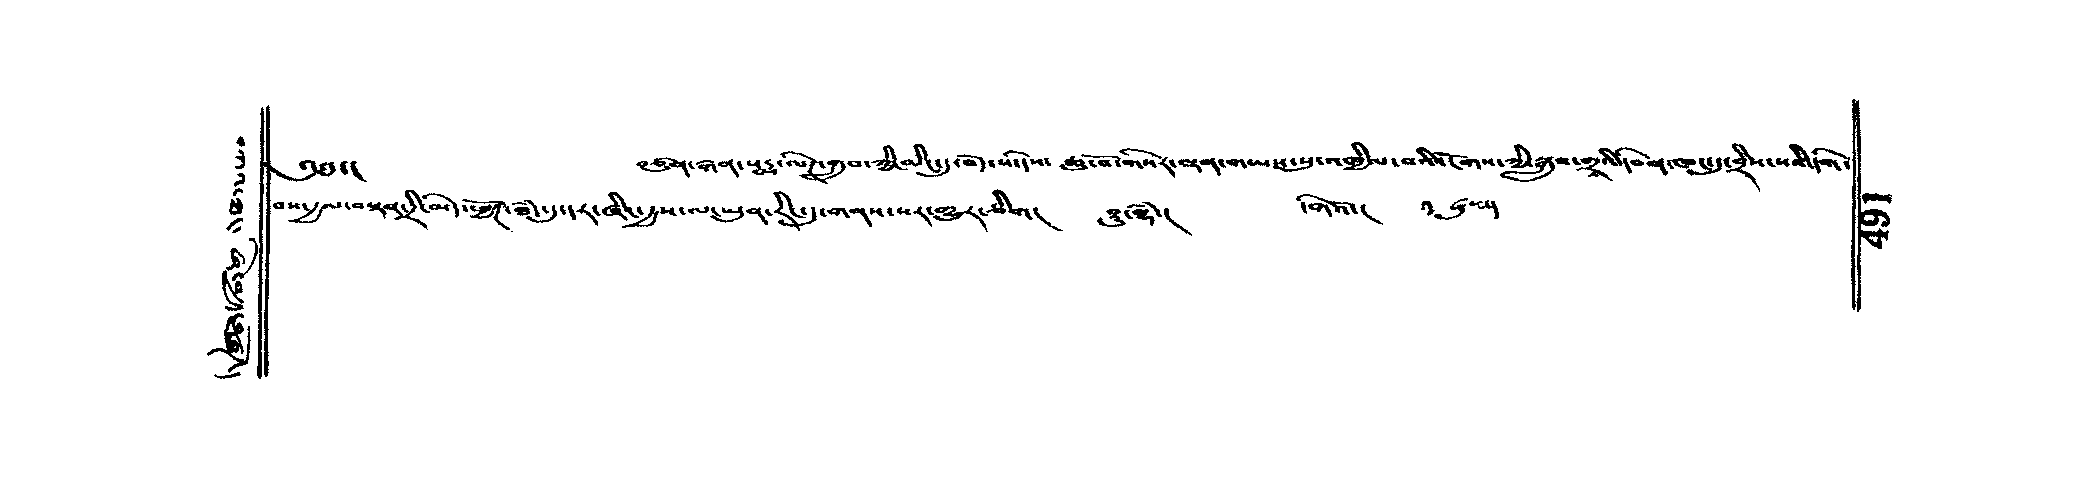བཙུན་རྒན་པདྨ་ལེགས་གྲུབ་ཀྱི་མིང་དུ་བོད་པ་དེས། ཆུ་བོ་གསེར་ལྡན་གཡས་སུ་འཁྱིལ་བའི་ངོགས་ཀྱི་སྒྲུབ་གྲྭའི་དབེན་ཁང་དུ་བྲིས་པའི་དགེ་
བས་རྒྱལ་བསྟན་དྲི་མེད་ཕྱོགས་ཐམས་ཅད་དུ་དར་ཞིང་རྒྱས་ལ་ཡུན་རིང་དུ་གནས་པར་གྱུར་ཅིག ཤུ་བྷམ།། དགེའོ།།